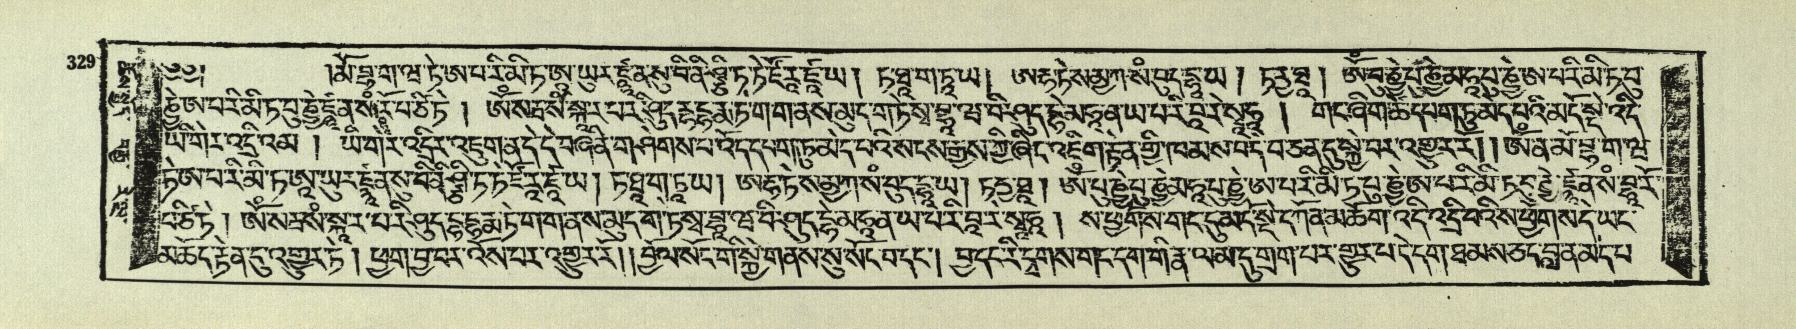༄༅། ། མོ་བྷ་ག་ཝ་ཏེ་ཨ་པ་རི་མི་ཏ་ཨཱ་ཡུར་ཛྙཱ་ན་སུ་བི་ནི་ཤྩི་ཏ་ཏེ་ཛོ་རཱ་ཛཱ་ཡ། ཏ་ཐཱ་ག་ཏཱ་ཡ། ཨརྷ་ཏེ་སམྱཀ་སཾ་བུད་དྷཱ་ཡ། ཏདྱ་ཐཱ། ཨོཾ་པུ་ཎྱེ་པུ་ཎྱེ་མཧཱ་པུ་ཎྱེ་ཨ་པ་རི་མི་ཏ་པུ་
ཎྱེ་ཨ་པ་རི་མི་ཏ་པུ་ཎྱེ་ཛྙཱ་ན་སཾ་བྷཱ་རོ་པ་ཙི་ཏེ། ཨོཾ་སརྦ་སཾ་སྐཱ་ར་པ་རི་ཤུད་དྷ་དྷརྨ་ཏེ་ག་ག་ན་ས་མུད་ག་ཏེ་སྭ་བྷཱ་ཝ་བི་ཤུད་དྷེ་མཧཱ་ན་པ་རི་བཱ་རེ་སྭཱཧཱ། གང་ཞིག་ཚེ་དཔག་ཏུ་མེད་པའི་མདོ་སྡེ་འདི་
ཡི་གེར་འདྲི་འམ། ཡི་གེར་འདྲིར་འཇུག་ན་དེ་དེ་བཞིན་གཤེགས་པ་འོད་དཔག་ཏུ་མེད་པའི་སངས་རྒྱས་ཀྱི་ཞིང་ཇིག་རྟེན་གྱི་ཁམས་བདེ་བ་ཅན་དུ་སྐྱེ་བར་འགྱུར་རོ། །ཨོཾ་ན་མོ་བྷ་ག་ཝ་
ཏེ་ཨ་པ་རི་མི་ཏ་ཨཱ་ཡུར་ཛྙཱ་ན་སུ་བི་ནི་ཤྩི་ཏ་ཏེ་ཛོ་རཱ་ཛཱ་ཡ། ཏ་ཐཱ་ག་ཏཱ་ཡ། ཨརྷ་ཏེ་སམྱཀ་སཾ་བུད་དྷཱ་ཡ། ཏདྱ་ཐཱ། ཨོཾ་པུ་ཎྱེ་པུ་ཎྱེ་མཧཱ་པུ་ཎྱེ་ཨ་པ་རི་མི་ཏ་པུ་ཎྱེ་ཨ་པ་རི་མི་ཏ་པུ་ཎྱེ་ཛྙཱ་ན་སཾ་བྷཱ་རོ་
པ་ཙི་ཏེ། ཨོཾ་སརྦ་སཾ་སྐཱ་ར་པ་རི་ཤུད་དྷ་དྷརྨ་ཏེ་ག་ག་ན་སུ་མུད་ག་ཏེ་སྭ་བྷཱ་ཝ་བི་ཤུད་དྷེ་མཧཱ་ན་ཡ་པ་རི་བཱ་རེ་སྭཱཧཱ། ས་ཕྱོགས་གང་དུ་མདོ་སྡེ་དཀོན་མཆོག་འདི་འདྲི་བའི་ས་ཕྱོགས་དེ་ཡང་
མཆོད་རྟེན་དུ་འགྱུར་ཏེ། ཕྱག་བྱ་བར་འོས་པར་འགྱུར་རོ། །བྱོལ་སོང་གི་སྐྱེ་གནས་སུ་སོང་བ་དང་། བྱ་དང་རི་དྭགས་གང་དག་གི་རྣ་ལམ་དུ་གྲག་པར་གྱུར་པ་དེ་དག་ཐམས་ཅད་བླ་ན་མེད་པ་